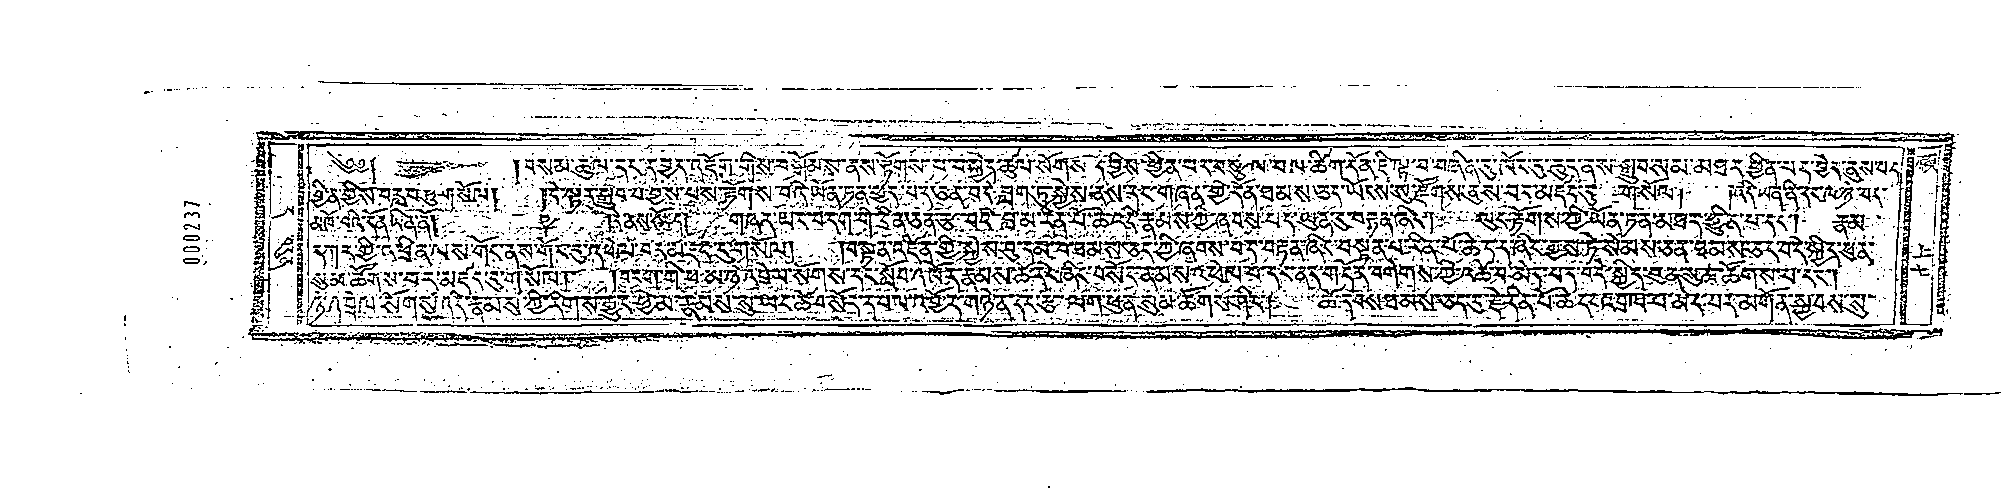༄༅། །བསམ་ཚུལ་དང་དཔྱད་འཇོག་གིས་བསྒོམས་ནས་རྟོགས་པ་བསྐྱེད་ཚུལ་སོགས་དཔྱིས་ཕྱིན་པར་བསྩལ་བ་ལ་ཚིག་དོན་ཇི་ལྟ་བ་བཞིན་དུ་ཁོང་དུ་ཆུད་ནས་སྒྲུབས་མ་མཐར་ཕྱིན་པར་བྱེད་ནུས་པར་
བྱིན་གྱིས་བརླབ་ཏུ་གསོལ། །དེ་ལྟར་སྒྲུབ་པ་བྱས་པས་རྟོགས་བའི་ཡོན་ཏན་ཕྱར་པར་ཅན་བདེ་བླག་ཏུ་སྐྱེས་ནས་རང་གཞན་གྱི་དོན་ཐམས་ཅད་ཡོངས་སུ་རྫོགས་ནུས་བར་མཛད་དུ་གསོལ། །འདི་ཡན་ནི་རང་ལ་ཉེ་བར་
མཁོ་བའི་དོན་ཡིན་ནོ། ༈ །དེ་ནས་སྨོན། གཞན་ཡང་བདག་གི་དྲིན་ཅན་རྩ་བའི་བླ་མ་རིན་པོ་ཆེ་འདི་རྣམས་ཀྱི་ཞབས་པད་ཡུན་དུ་བརྟན་ཞིང་། ལུང་རྟོགས་ཀྱི་ཡོན་ཏན་མཐར་ཕྱིན་པ་དང་། རྣམ་
དཀར་གྱི་འཕྲིན་ལས་གོང་ནས་གོང་དུ་འཕེལ་བར་མཛད་དུ་གསོལ། །བསྟན་འཛིན་གྱི་སྐྱེས་བུ་དམ་པ་ཐམས་ཅད་ཀྱི་ཞབས་པད་བརྟན་ཞིང་བསྟན་པ་རིན་པོ་ཆེ་དར་ཞིང་རྒྱས་ཏེ་སེམས་ཅན་ཐམས་ཅད་བདེ་སྐྱིད་ཕུན་
སུམ་ཚོགས་པར་མཛད་དུ་གསོལ། །བདག་གི་ཕ་མ་ཉེ་འབྲེལ་སོགས་དང་སློབ་འཁོར་རྣམས་ཚེ་རིང་ཞིང་བསོད་ནམས་འཕེལ་བ་དང་ནད་གདོན་བགེགས་ཀྱི་འཆོ་བ་མེད་པར་བདེ་སྐྱིད་ཕུན་སུམ་ཚོགས་པ་དང་།
ཉེ་འབྲེལ་སོགས་འདི་རྣམས་ཀྱི་རིགས་རྒྱུད་ཕྱི་མ་རྣམས་སུ་ཡང་ཚེ་བསོད་དཔལ་འབྱོར་གཉེན་དང་རྩ་ལག་ཕུན་སུམ་ཚོགས་ཤིང་། ཚེ་རབས་ཐམས་ཅད་དུ་རྗེ་རིན་པོ་ཆེ་དང་འབྲལ་བ་མེད་པར་མགོན་སྐྱབས་སུ་